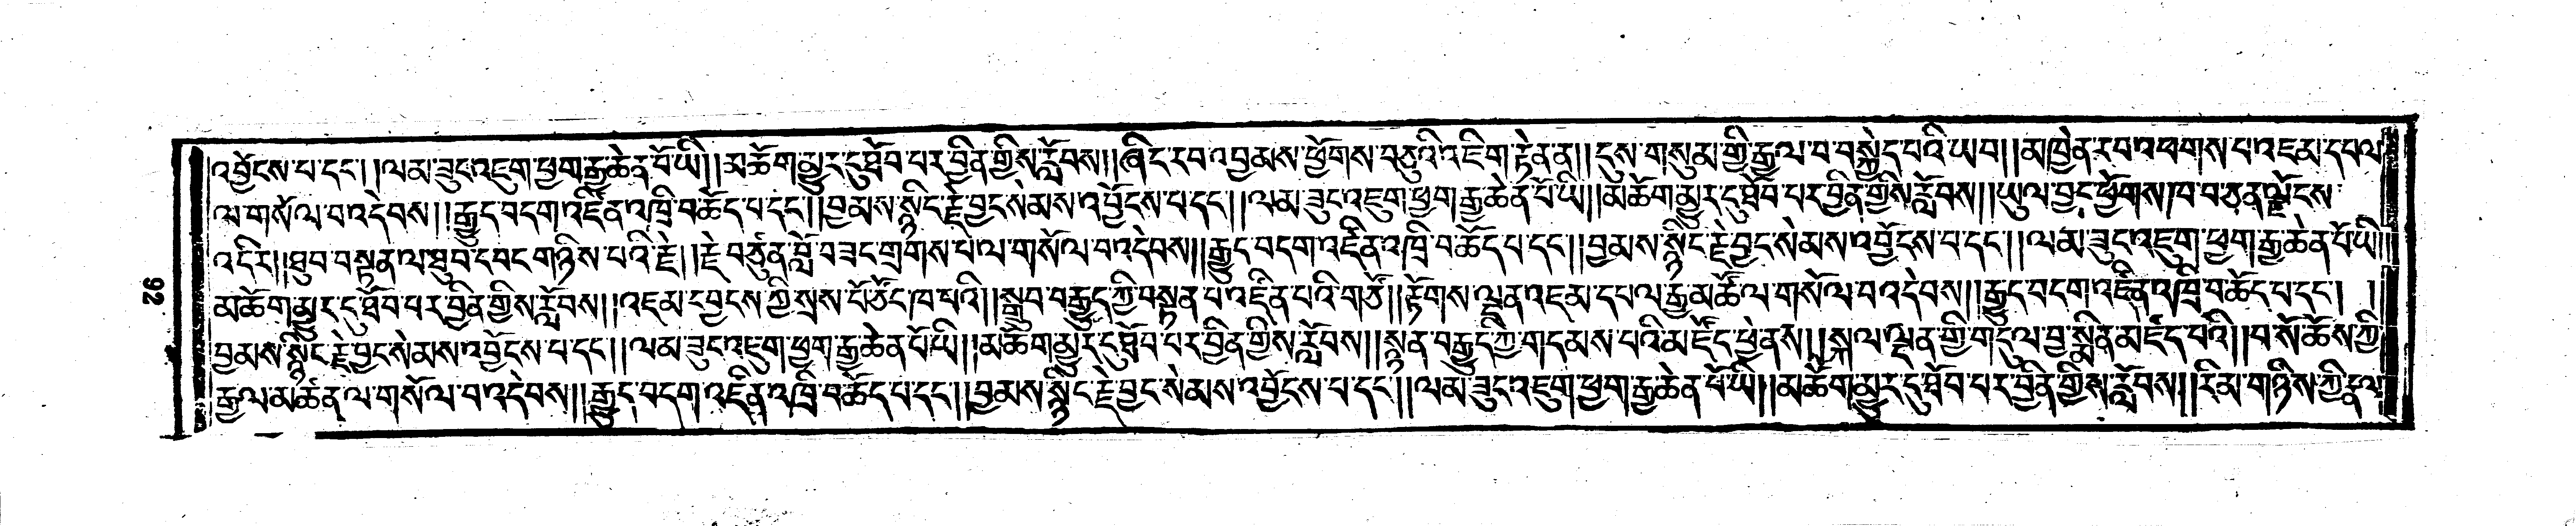འབྱོངས་པ་དང་། །ལམ་ཟུང་འཇུག་ཕྱག་རྒྱ་ཆེན་པོ་ཡི། །མཆོག་མྱུར་དུ་ཐོབ་པར་བྱིན་གྱིས་རློབས། །ཞིང་རབ་འབྱམས་ཕྱོགས་བཅུའི་འཇིག་རྟེན་ན། །དུས་གསུམ་གྱི་རྒྱལ་བ་བསྐྱེད་པའི་ཡབ། །མཁྱེན་རབ་འཕགས་པ་འཇམ་དཔལ་
ལ་གསོལ་བ་འདེབས། །རྒྱུད་བདག་འཛིན་འཁྲི་བ་ཆོད་པ་དང་། །བྱམས་སྙིང་རྗེ་བྱང་སེམས་འབྱོངས་པ་དང་། །ལམ་ཟུང་འཇུག་ཕྱག་རྒྱ་ཆེན་པོ་ཡི། །མཆོག་མྱུར་དུ་ཐོབ་པར་བྱིན་གྱིས་རློབས། །ཡུལ་བྱང་ཕྱོགས་ཁ་བ་ཅན་ལྗོངས་
འདིར། །ཐུབ་བསྟན་ལ་ཐུབ་དབང་གཉིས་པའི་རྗེ། །རྗེ་བཙུན་བློ་བཟང་གྲགས་པ་ལ་གསོལ་བ་འདེབས། །རྒྱུད་བདག་འཛིན་འཁྲི་བ་ཆོད་པ་དང་། །བྱམས་སྙིང་རྗེ་བྱང་སེམས་འབྱོངས་བ་དང་། །ལམ་ཟུང་འཇུག་ཕྱག་རྒྱ་ཆེན་པོ་ཡི། །
མཆོག་མྱུར་དུ་ཐོབ་པར་བྱིན་གྱིས་རློབས། །འཇམ་དབྱངས་ཀྱི་སྲས་པོ་ཙོང་ཁ་པའི། །སྒྲུབ་བརྒྱུད་ཀྱི་བསྟན་པ་འཛིན་པའི་གཙོ། །རྟོགས་ལྡན་འཇམ་དཔལ་རྒྱ་མཚོ་ལ་གསོལ་བ་འདེབས། །རྒྱུད་བདག་འཛིན་འཁྲི་བ་ཆོད་པ་དང་། །
བྱམས་སྙིང་རྗེ་བྱང་སེམས་འབྱོངས་པ་དང་། །ལམ་ཟུང་འཇུག་ཕྱག་རྒྱ་ཆེན་པོ་ཡི། །མཆོག་མྱུར་དུ་ཐོབ་པར་བྱིན་གྱིས་རློབས། །སྙན་བརྒྱུད་ཀྱི་གདམས་པའི་མཛོད་ཕྱེ་ནས། །སྐལ་ལྡན་གྱི་གདུལ་བྱ་སྨིན་མཛད་པའི། །བ་སོ་ཆོས་ཀྱི་
རྒྱལ་མཚན་ལ་གསོལ་བ་འདེབས། །རྒྱུད་བདག་འཛིན་འཁྲི་བ་ཆོད་པ་དང་། །བྱམས་སྙིང་རྗེ་བྱང་སེམས་འབྱོངས་བ་དང་། །ལམ་ཟུང་འཇུག་ཕྱག་རྒྱ་ཆེན་པོ་ཡི། །མཆོག་མྱུར་དུ་ཐོབ་པར་བྱིན་གྱིས་རློབས། །རིམ་གཉིས་ཀྱི་རྣལ་